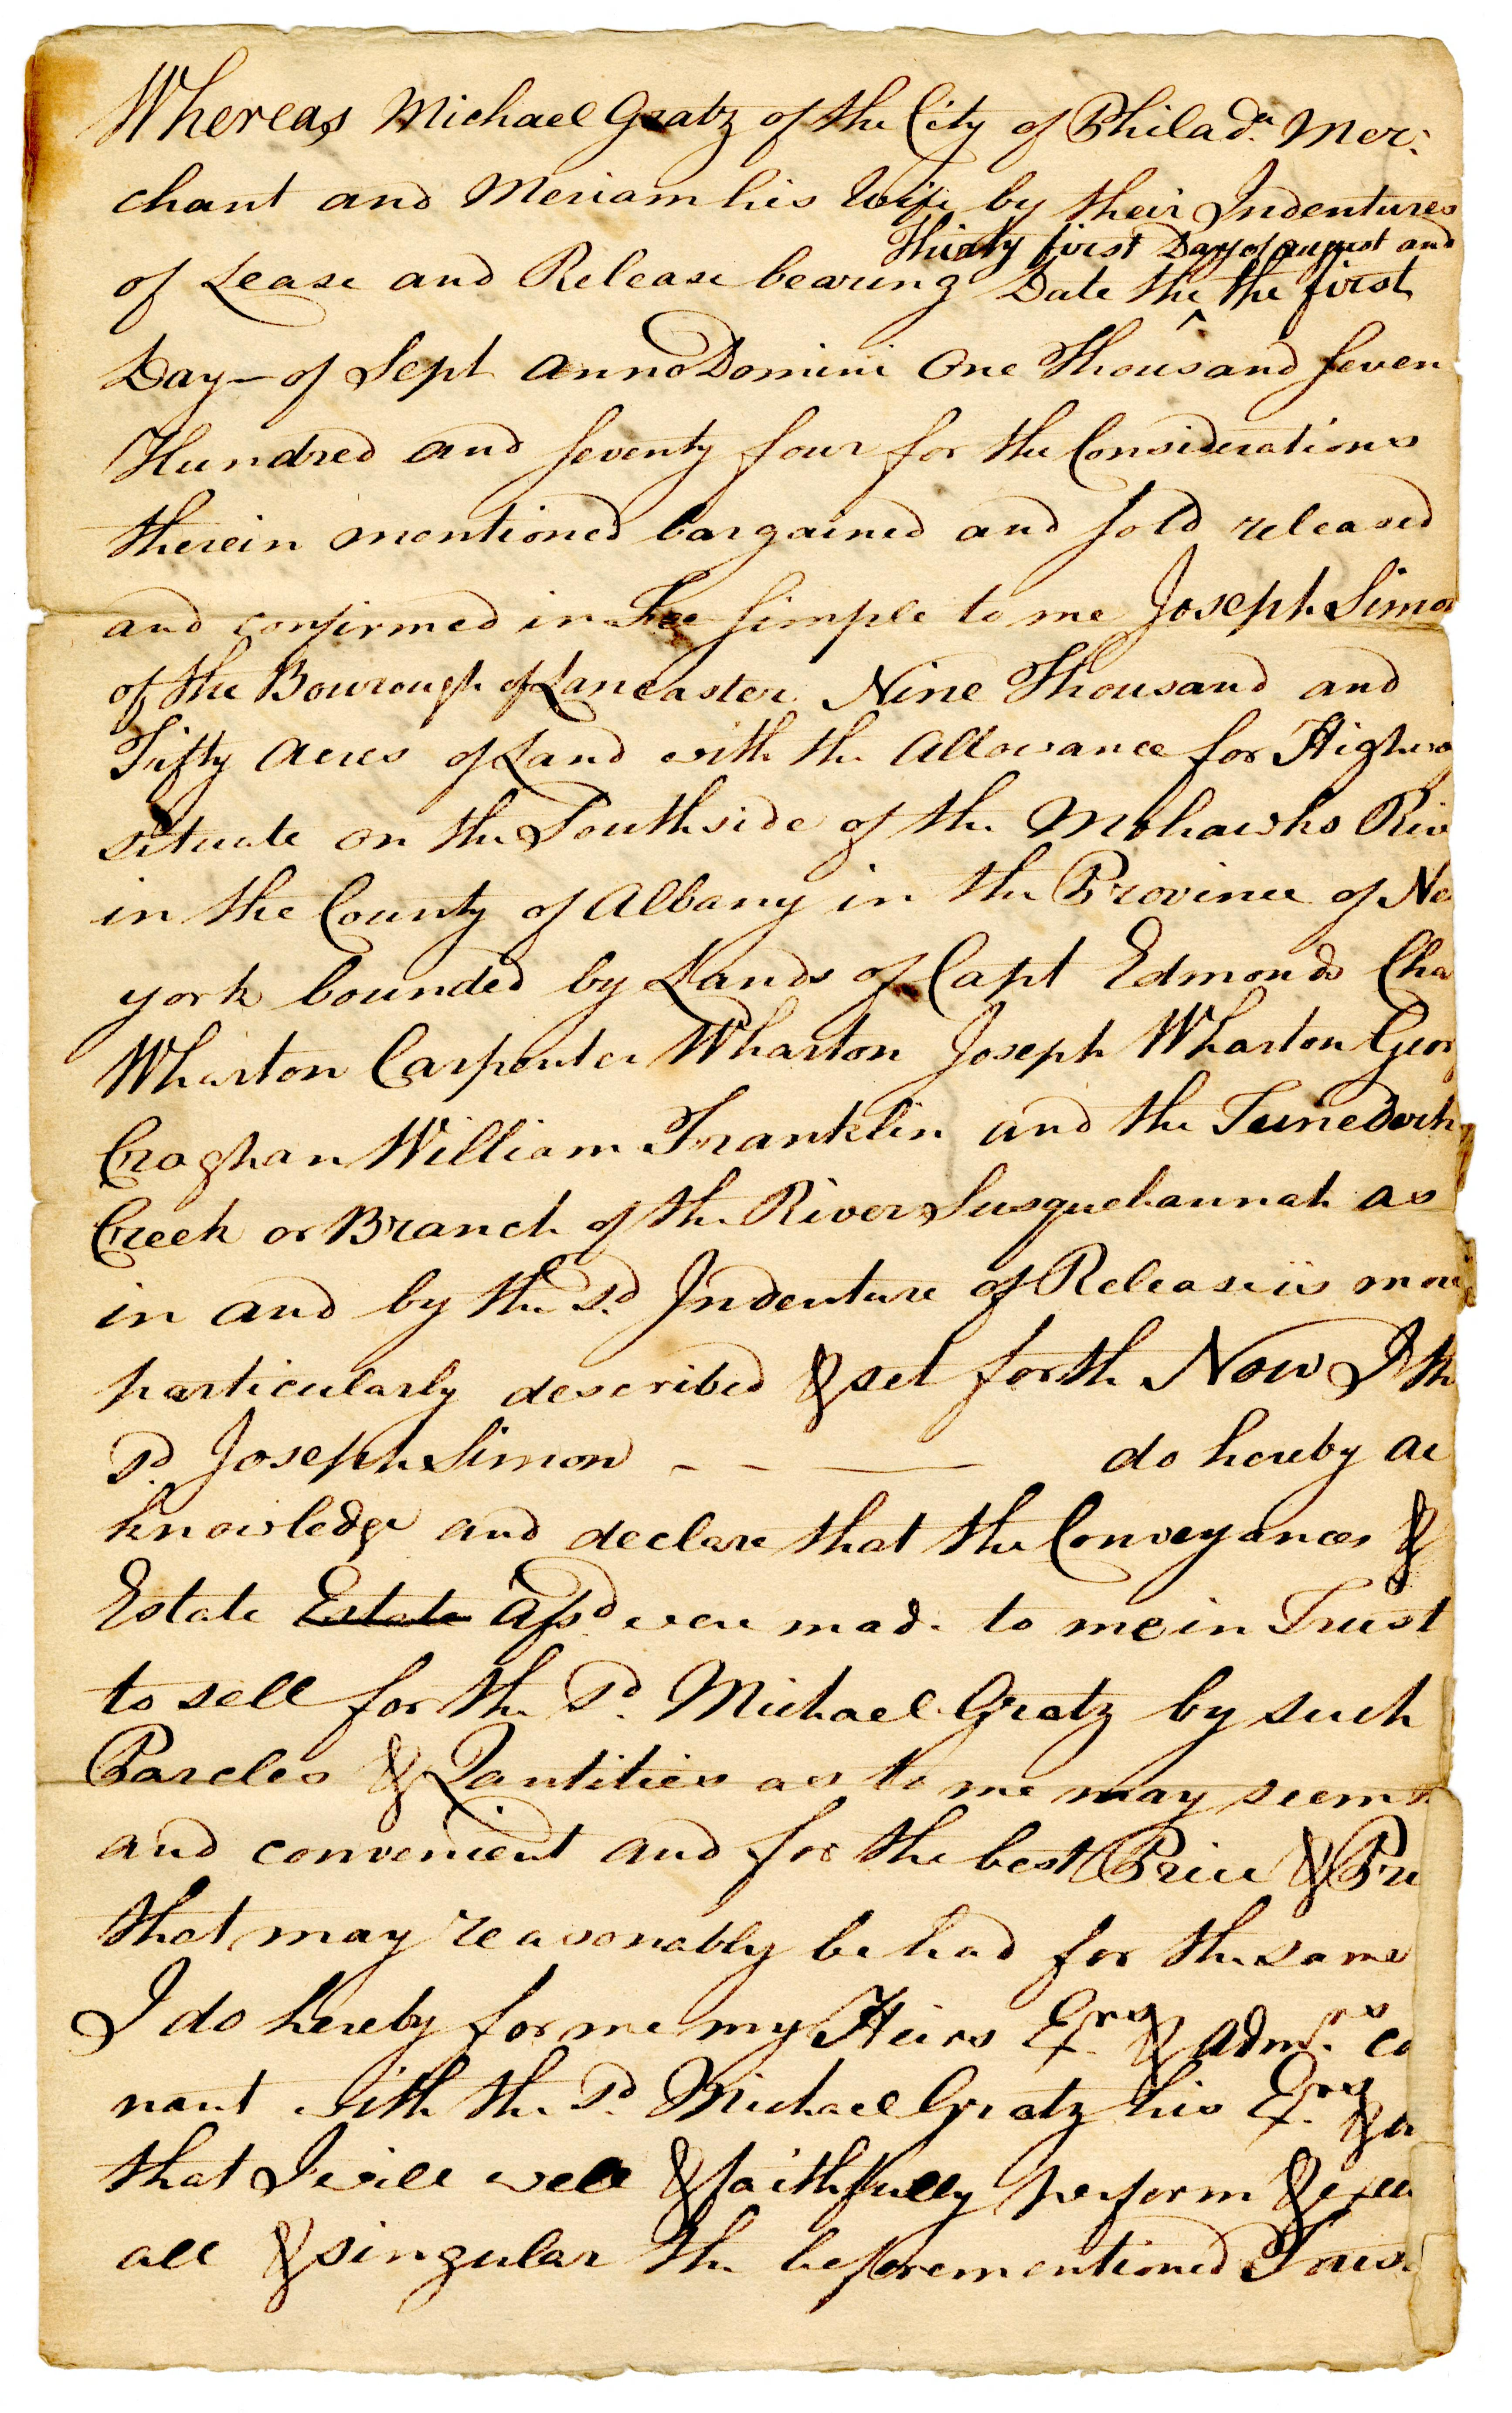Whereas Michael Gratz of the City of Philad^a. Mer-
-chant and Meriam his wife, by their Indentures
of Lease and Release bearing Date the ^ the first
Thirty first Day of August and
Day- of Sept Anno Domini One Thousand Seven
Hundred and seventy four for the Considerations
therein mentioned bargained and sold released
and confirmed in the simple to me Joseph Simon
of the Borough of Lancaster. Nine Thousand and
Fifty acres of Land with the Allowance for Higher
situate on the Southside of the Mohawks Riv
in the County of Albany in the Province of Ne
york bounded by Lands of Capt Edmonds Cha
Wharton Carpenter Wharton Joseph Wharton Gen
Croghan William Franklin and the Tunedock
Creek or Branch of the River Susquehannah as
in and by the s^d indenture of Release is ma
particularly described & set forth Now I the
s^d Joseph Simon
do hereby ac
knowledge and declare that the Conveyances &
Estate [Estate] ass'd was made to me in Trust
to sell for the s^d. Michael Gratz by such
Parceles & Quantities as to me may seem
and convenient and for the best Price & Pre
that may reasonable be had for the same
I do hereby for me my Heirs E^rs. and Adm^rs:
-nant with the s^d. Michael Gratz his E^rs. &
that I will sell & faithfully perform & exc-
all & singular the before mentioned Fav^s